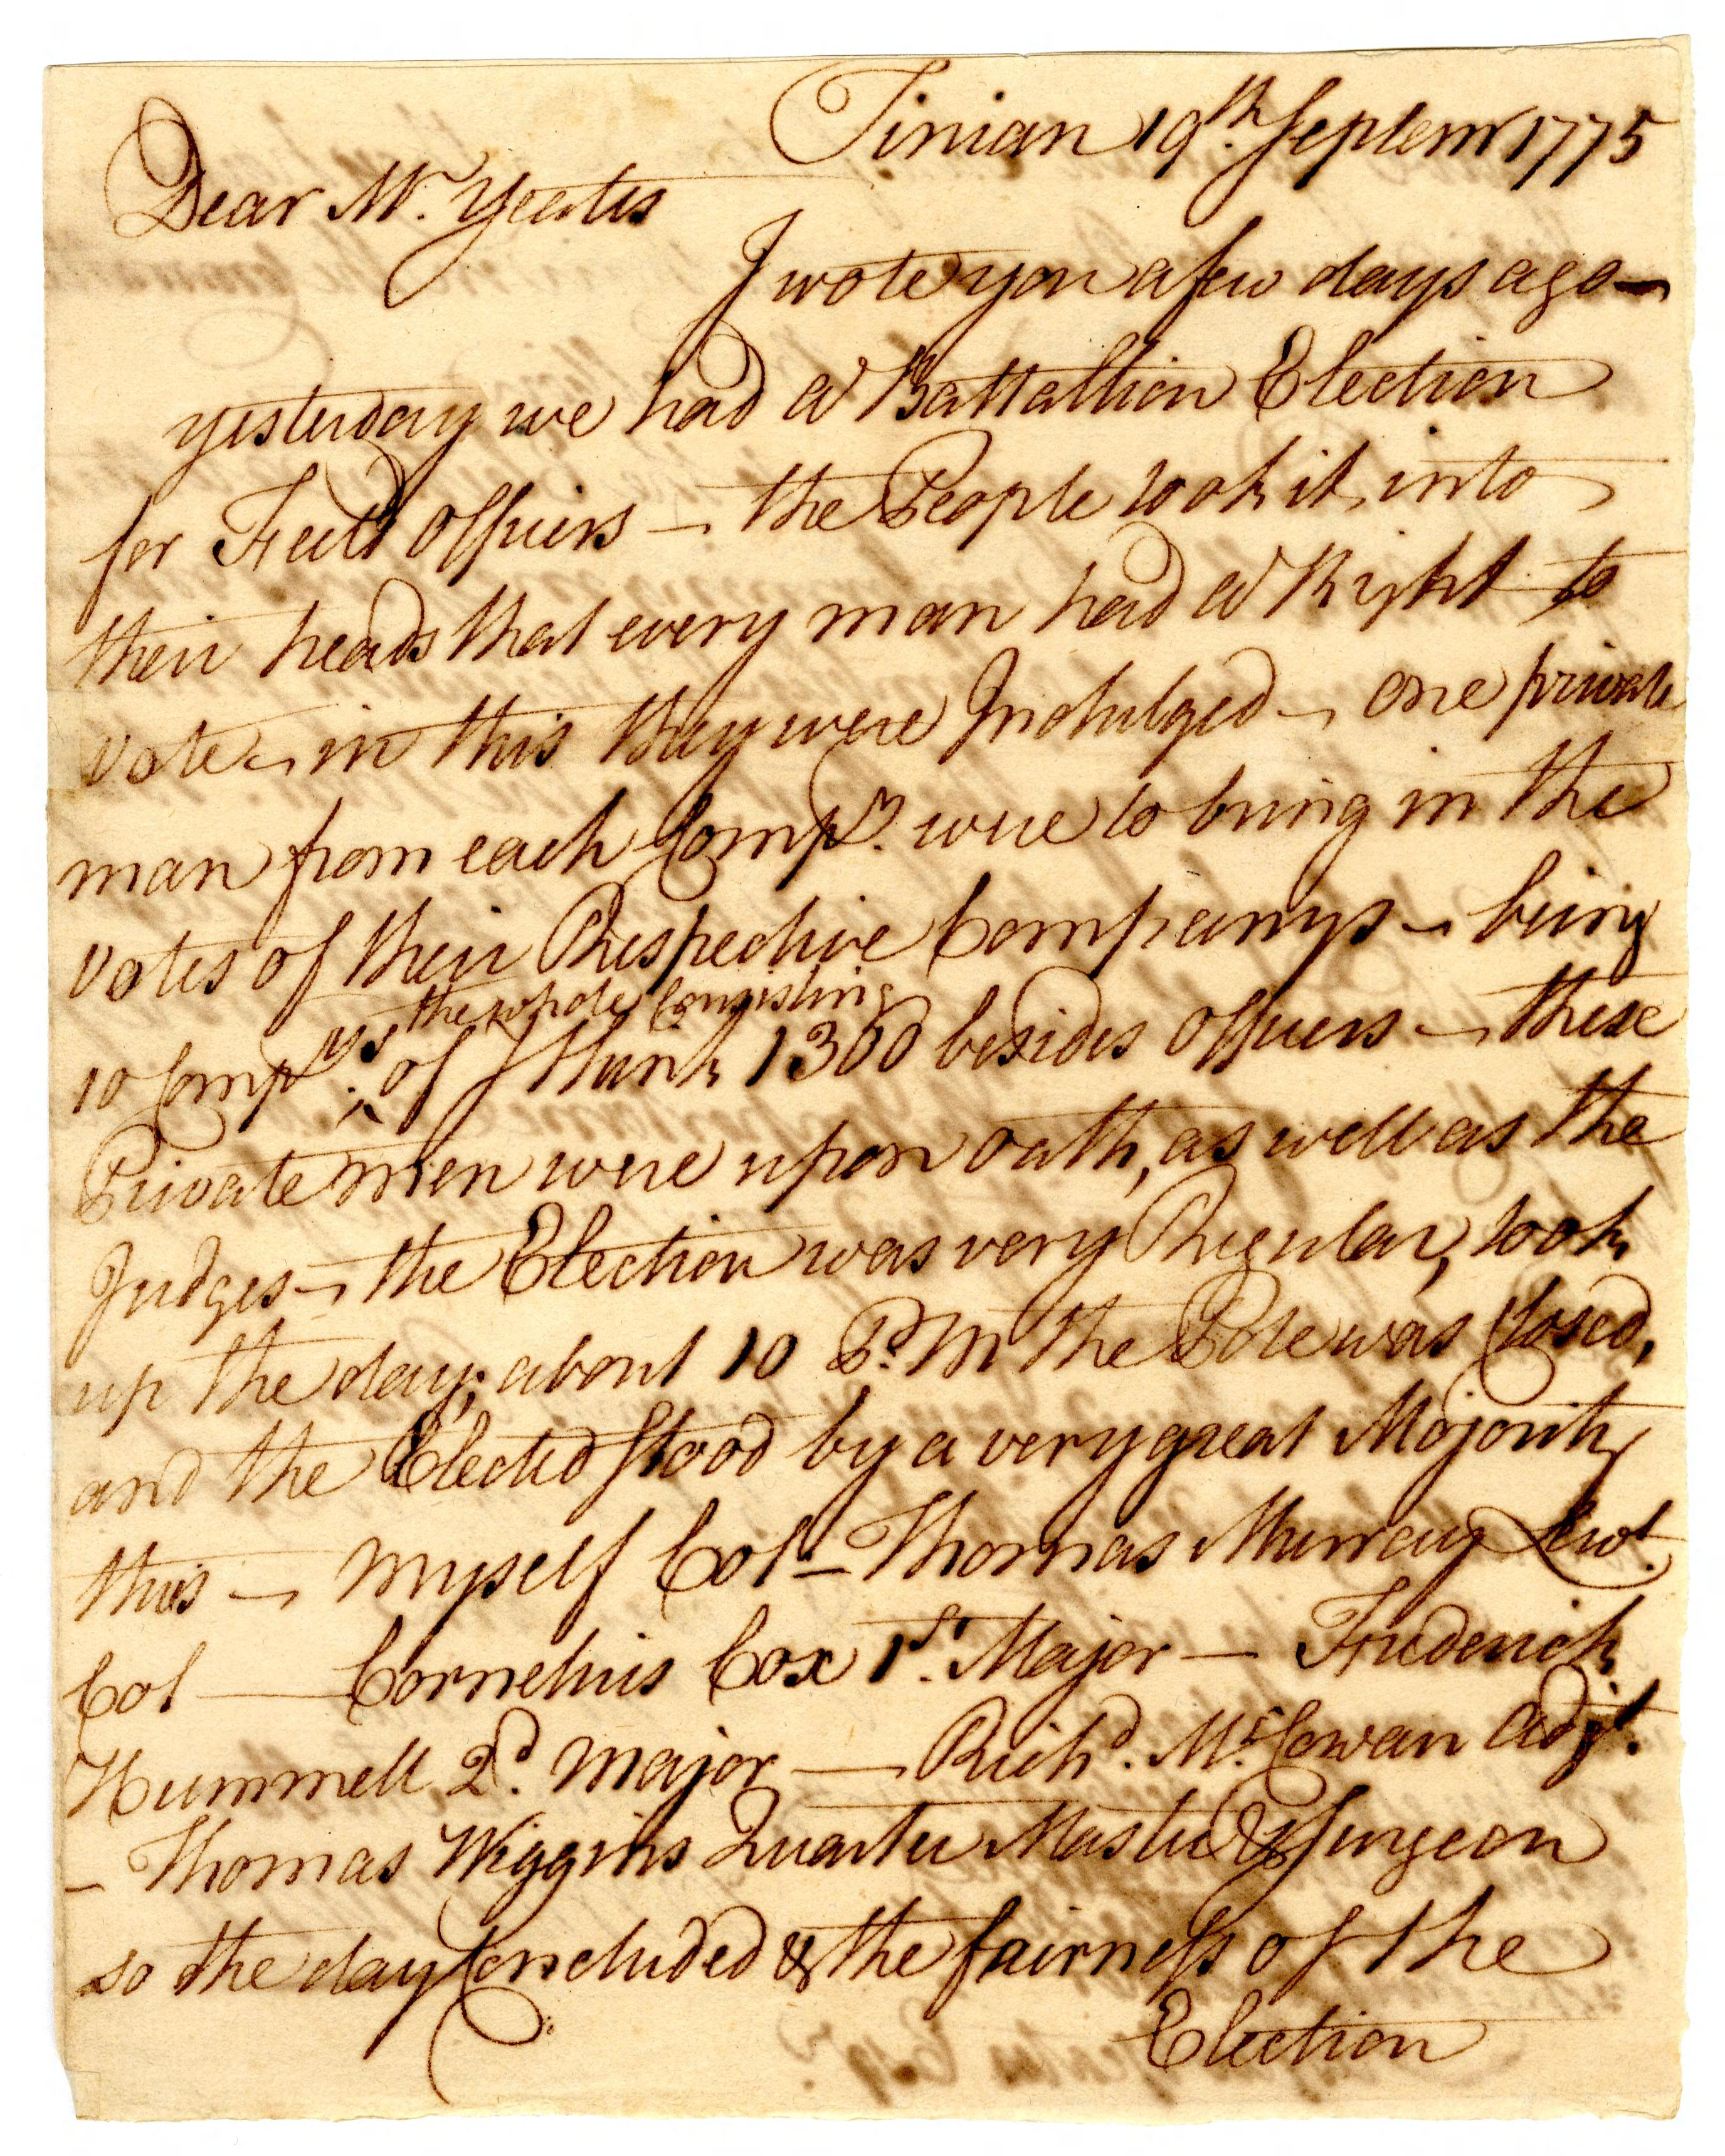Tinian 19^th. Septem^r 1775
Dear M^r. Yeates
I wote you a few days ago.
yesterday we had a Battalion Election
for Field Officers. the People took it into
their heads that every man had a Right to
vote. in this they were Indulged. one private
man from each Comp^y. were to bring in the
votes of their Respective Companys, being
the whole Consisting
10 Comp^y ^ of I think 1300 besides Officers. These
Private men were upon oath, as well as the
Judges. the Election was very Regular, took
up the day; about 10 P.M the Pole was Closed,
and the Elected Stood by a very great Majority
thus- myself Col. Thomas Murray Leu^t.
Col. Cornelius Cox 1^st. Major. Frederick
Hummell 2^d. Major. Rich^d. M^cCowan Adj^t.
Thomas Wiggins Quarter Master & Surgeon
so the day concluded & the fairness of the
Election